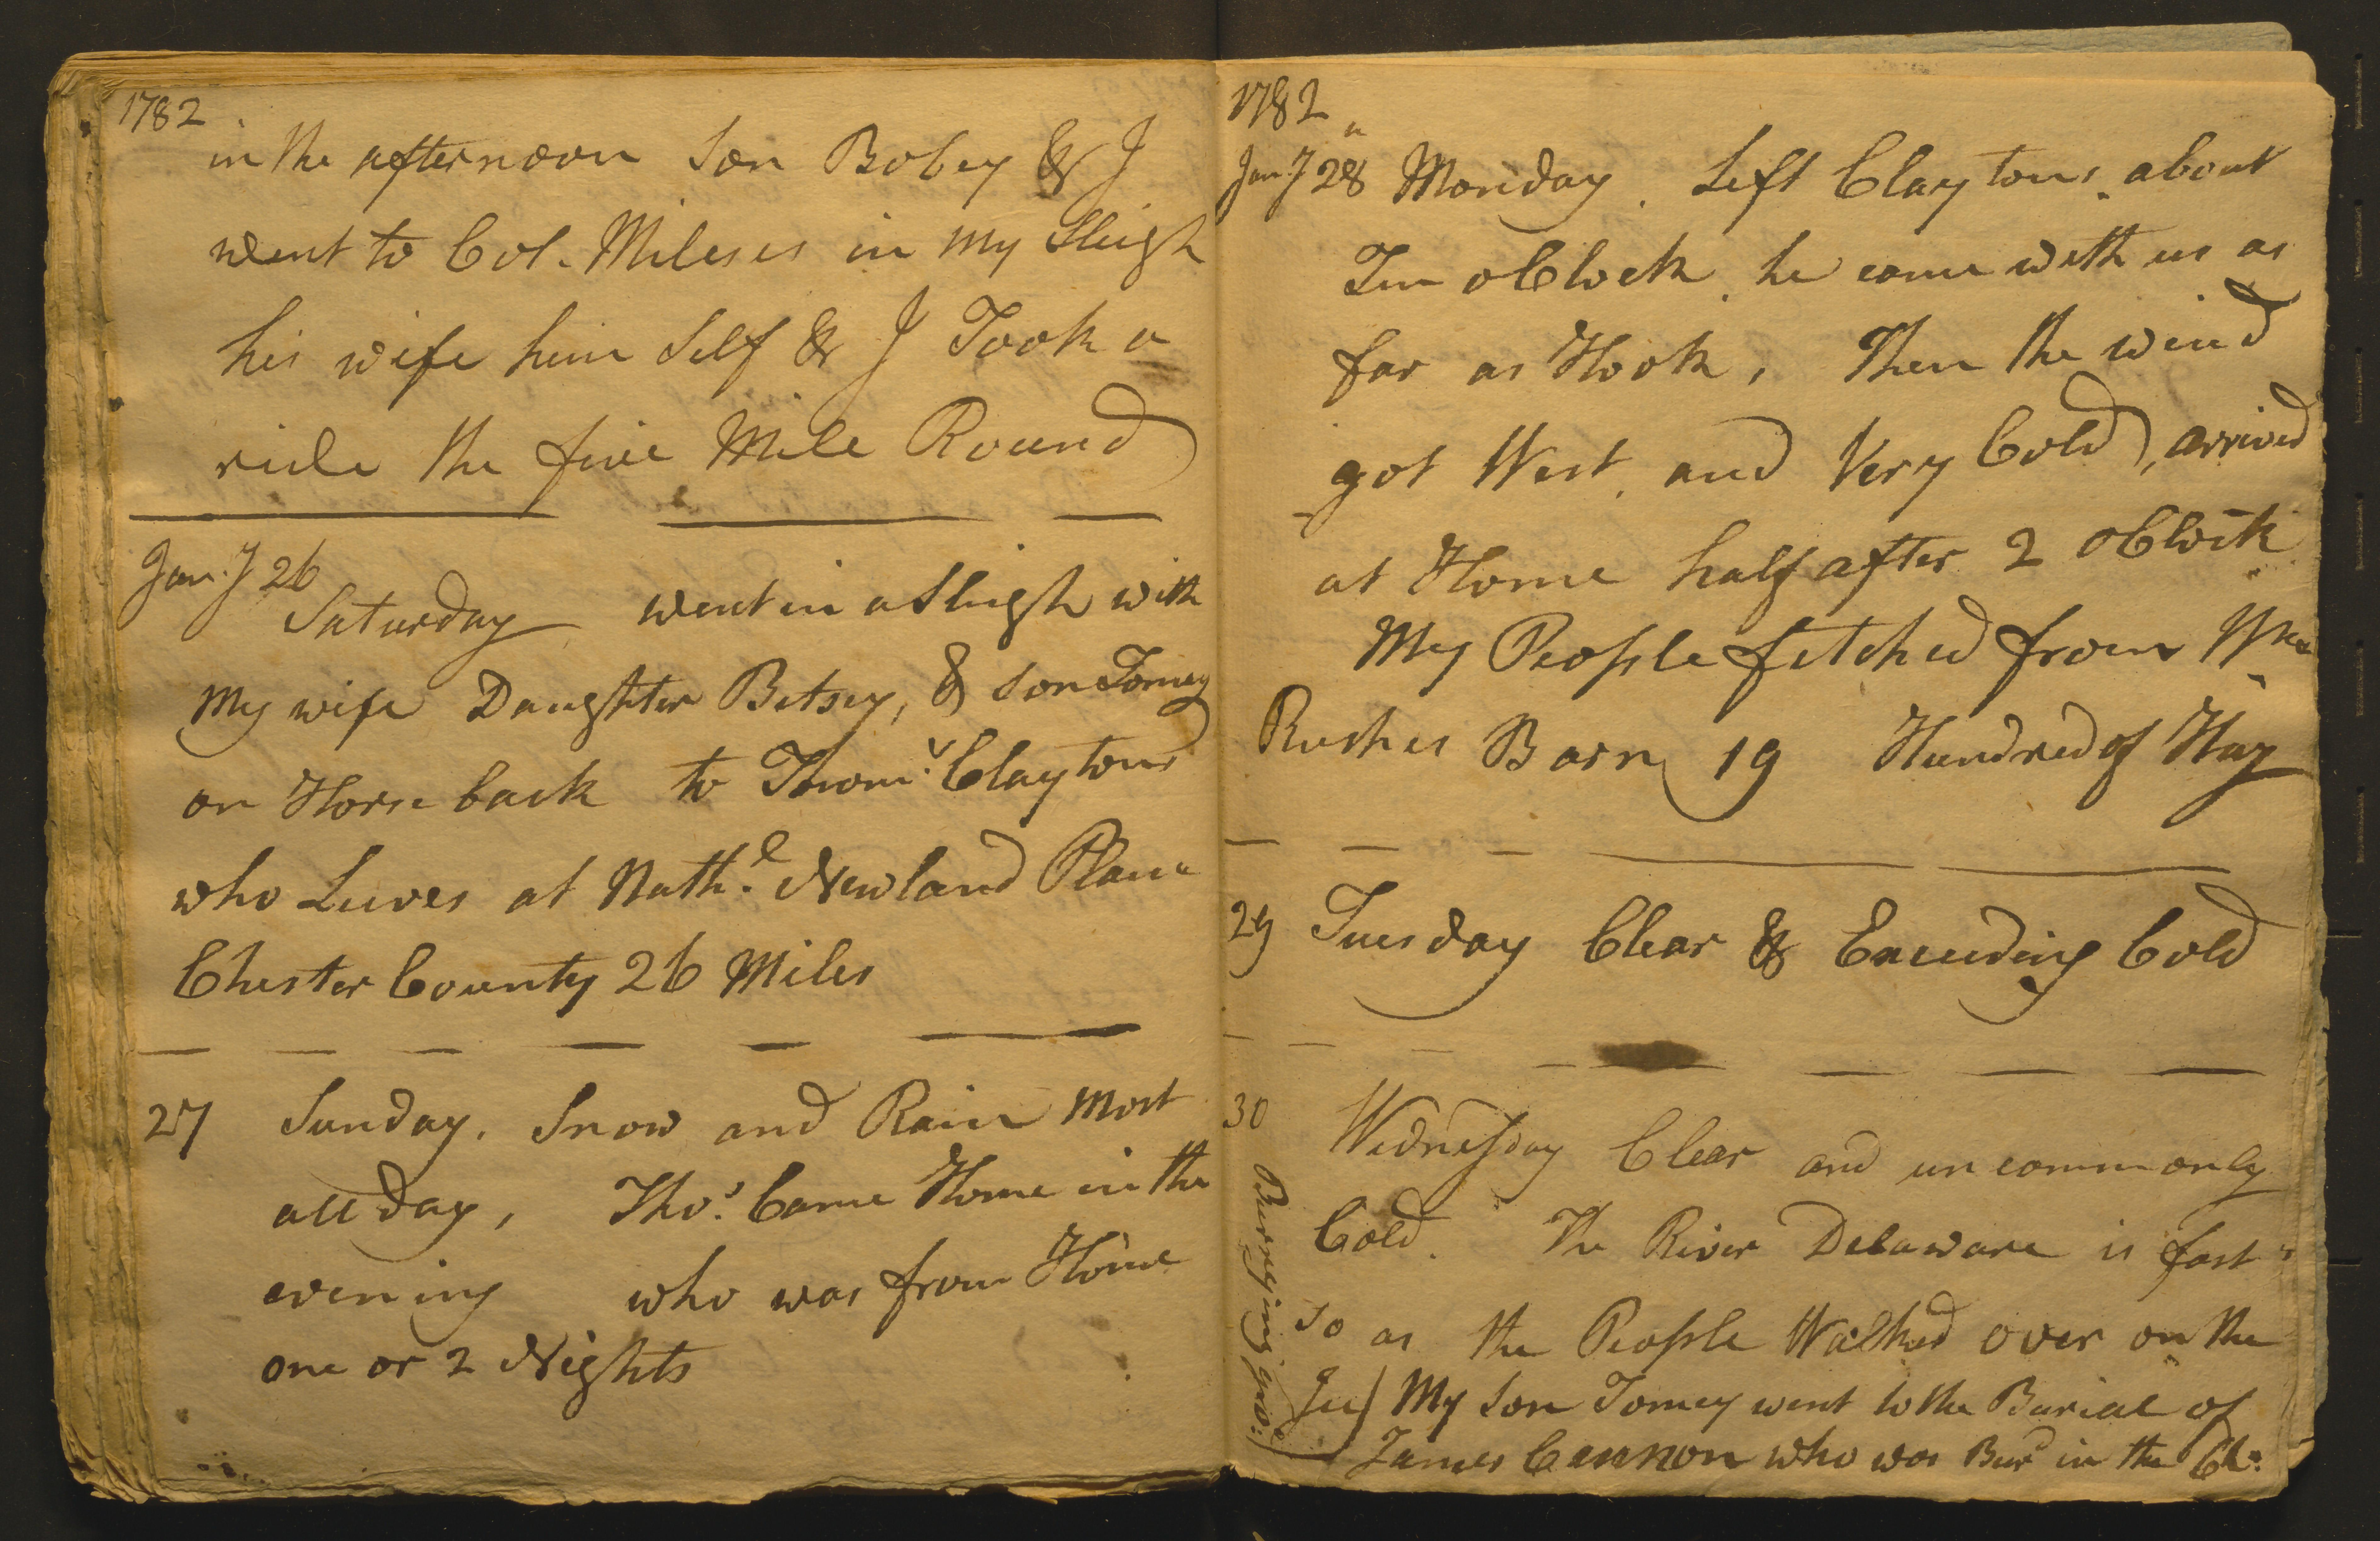1782
in the afternoon son Bobey & I
went to Col. Mileses in My Sleigh
his wife him self & I Took a
ride the five Mile Round
Jan^y. 26
Saturday went in a sleigh with
My wife Daughter Betsey, & son Tomey
on Horse back to Thom^s. Claytons
who Lieves at Nath^l. Newland Place
Chester County 26 Miles
27 Sunday. Snow and Rain Most
all day, Tho^s. Came Home in the
evening who was from Home
one or 2 Nights
1782
Jan^y. 28 Monday, Left Claytons about
Ten oClock he came with us as
far as Hook, Then the wind
got West and Very Cold arrived
at Home half after 2 oClock
My People fetched from M^r
Rushes Barn 19 Hundred of Hay
29 Tuesday Clear & Exceeding Cold
30
Wednessay Clear and uncommonly
Cold. The River Delaware is fast.
so as the People Walked over on the
Ice) My Son Tomey went to the Burial of
James Cannon who was Bur^d in the Ch.
Burrying gro: